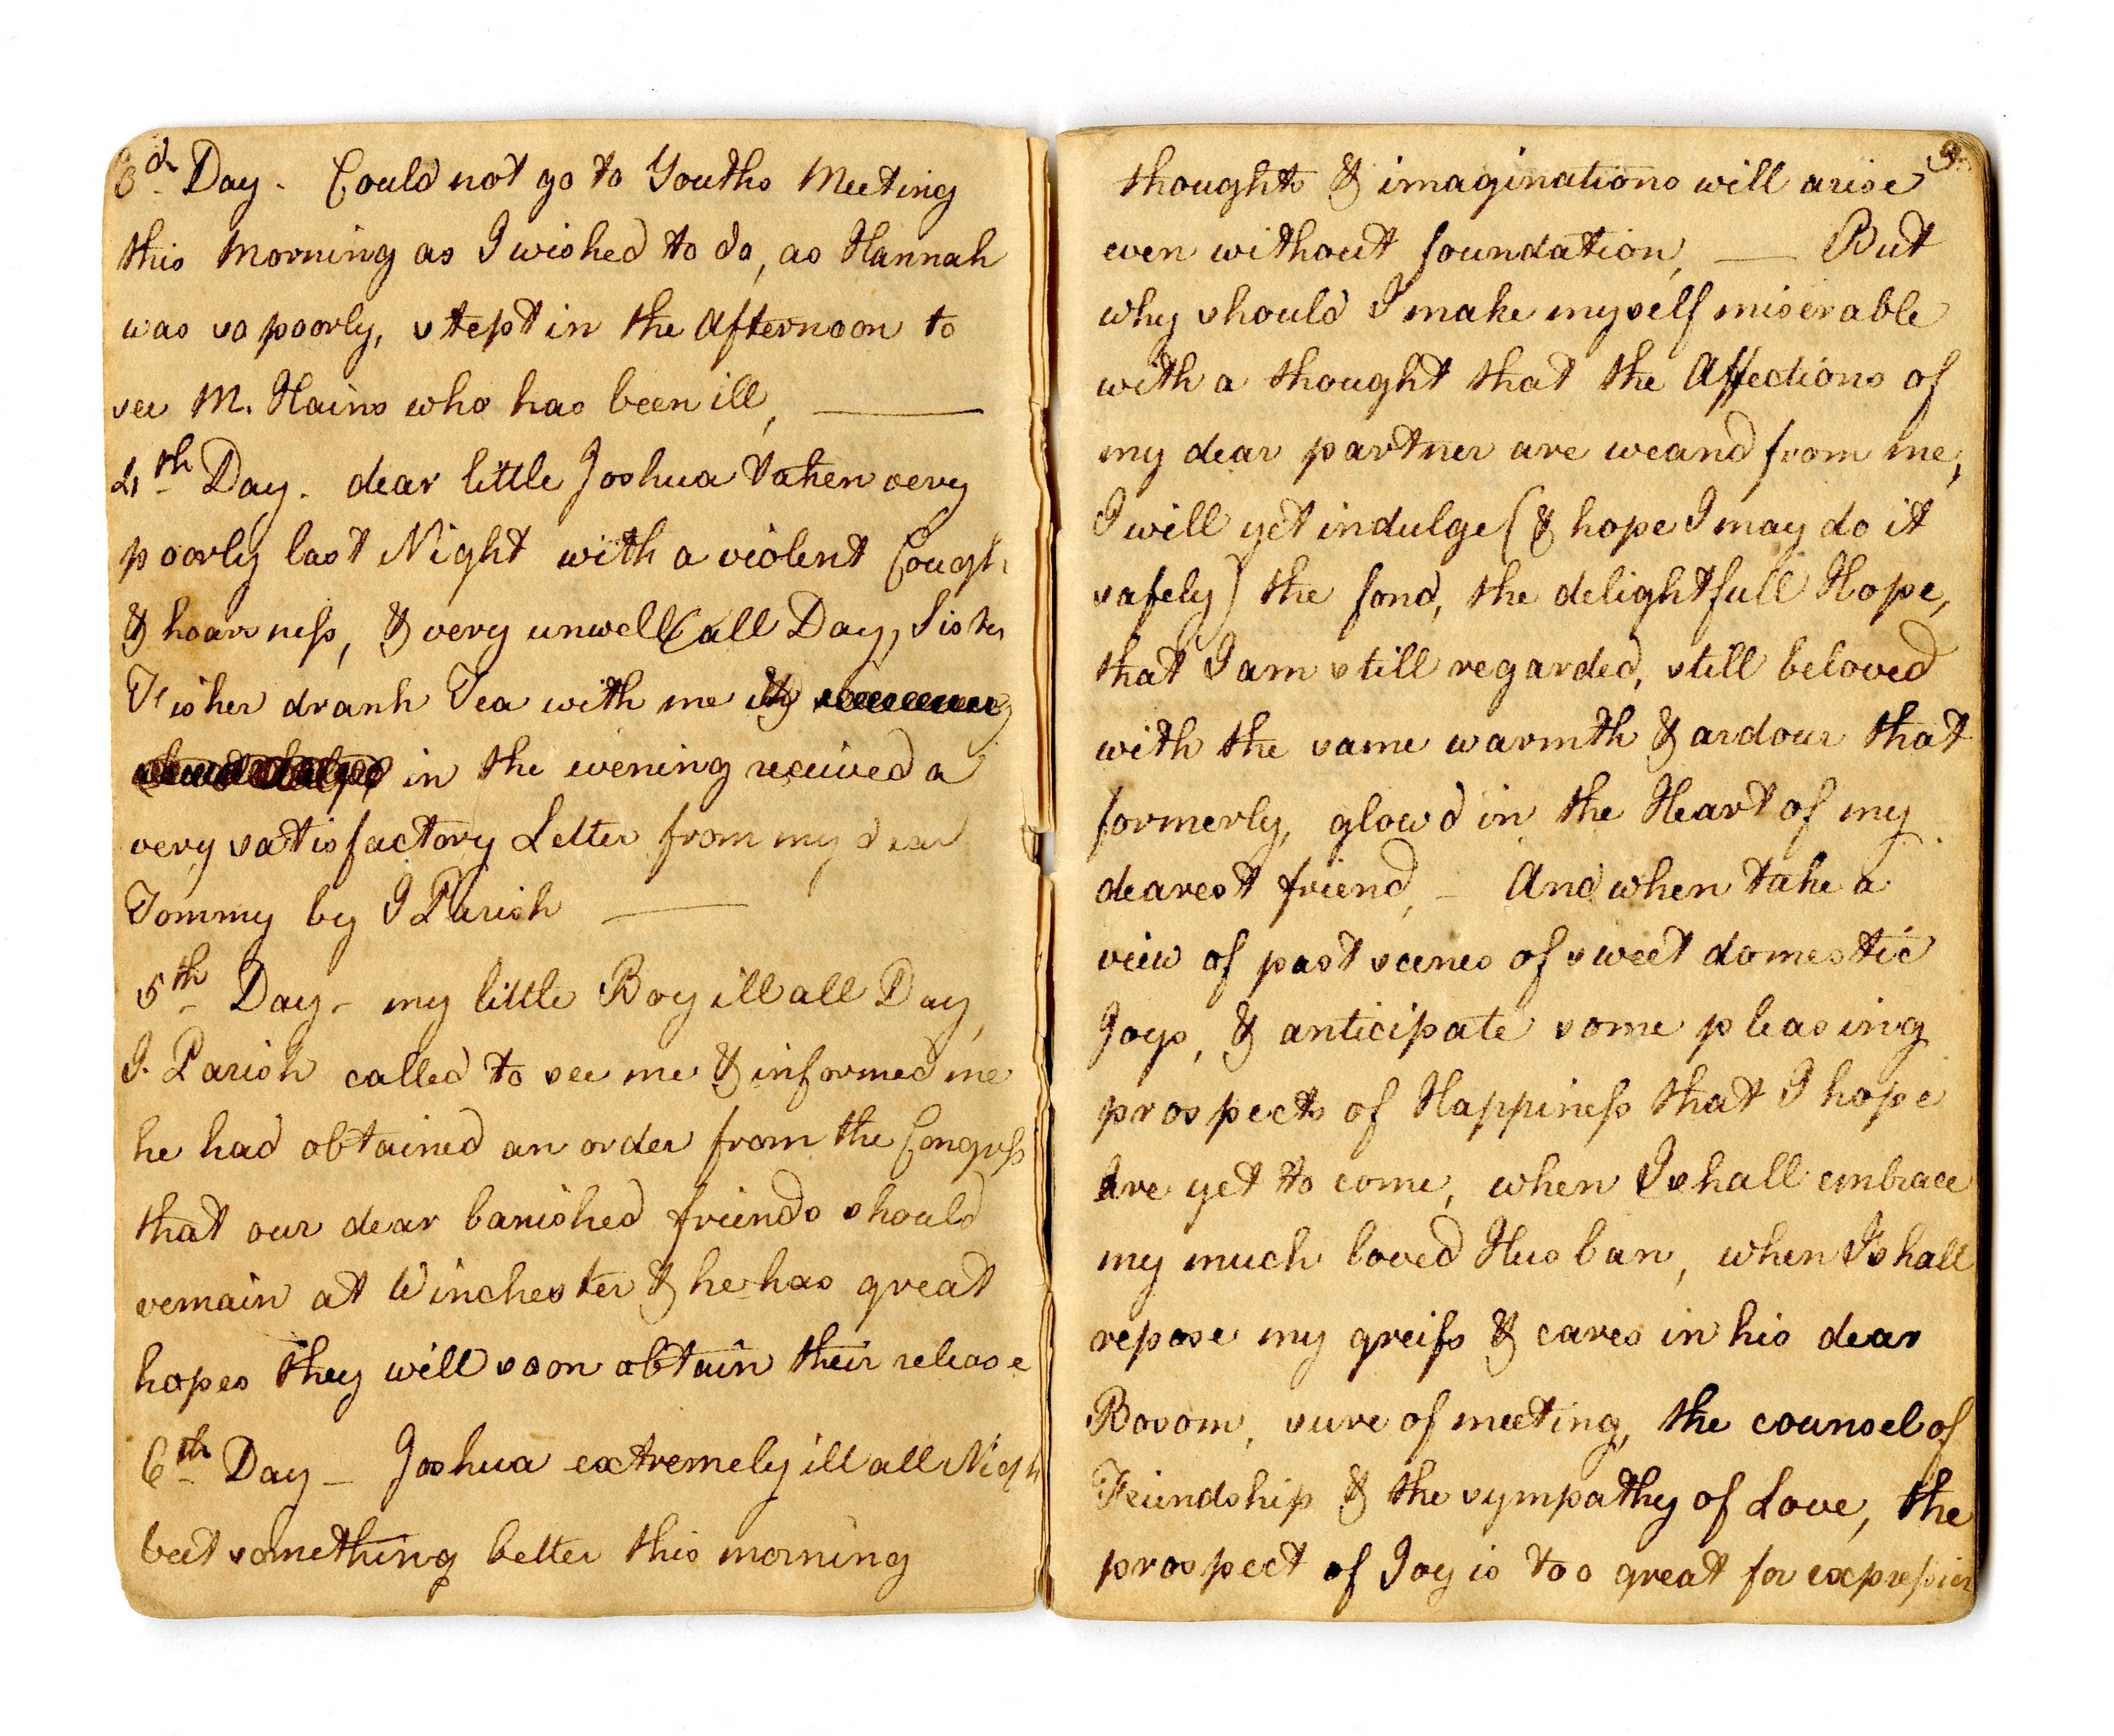3^d Day- Could not go to Youths Meting
this morning as I wished to do, as Hannah
was so poorly, stept in the Afternoon to
see M. Hains who has been ill,-
4^th Day, dear little Joshua taken very
poorly last Night with a violent Cough
& hoarsness, & very unwell (all Day, Sister
Fisher drank Tea with me & [_________]
[_________] in the evening received a
very satisfactory Letter from my dear
Tommy by I Parish-
5^th Day- my little Boy ill all Day
I. Parish called to see me & informed me
he had obtained an order from the Congress
that our dear banished friends should
remain at Winchester & he has great
hopes they will soon obtain their release
6^th Day- Joshua extremely ill all Nigh
but something better this morning
9
thoughts and imaginations will arise
even without foundation- But
why should I make myself miserable
with a thought that the Affections of
my dear partner are weand from me,
I will yet indulge (& hope I may do it
safely) the fond the delightfull Hope,
that I am still regarded, still beloved
with the same warmth & ardour that
formerly, glowd in the Heart of my
dearest friend- And when take a
view of past scenes of sweet domestic
Joys, & anticipate some pleasing
prospects of Happiness that I hope
are yet to come, when I shall embrace
my much loved Husban, when I shall
repose my greifs & cares in his dear
Bosom, sure of meeting, the counsel of
Friendship & the sympathy of Love, the
prospect of Joy is too great for expression